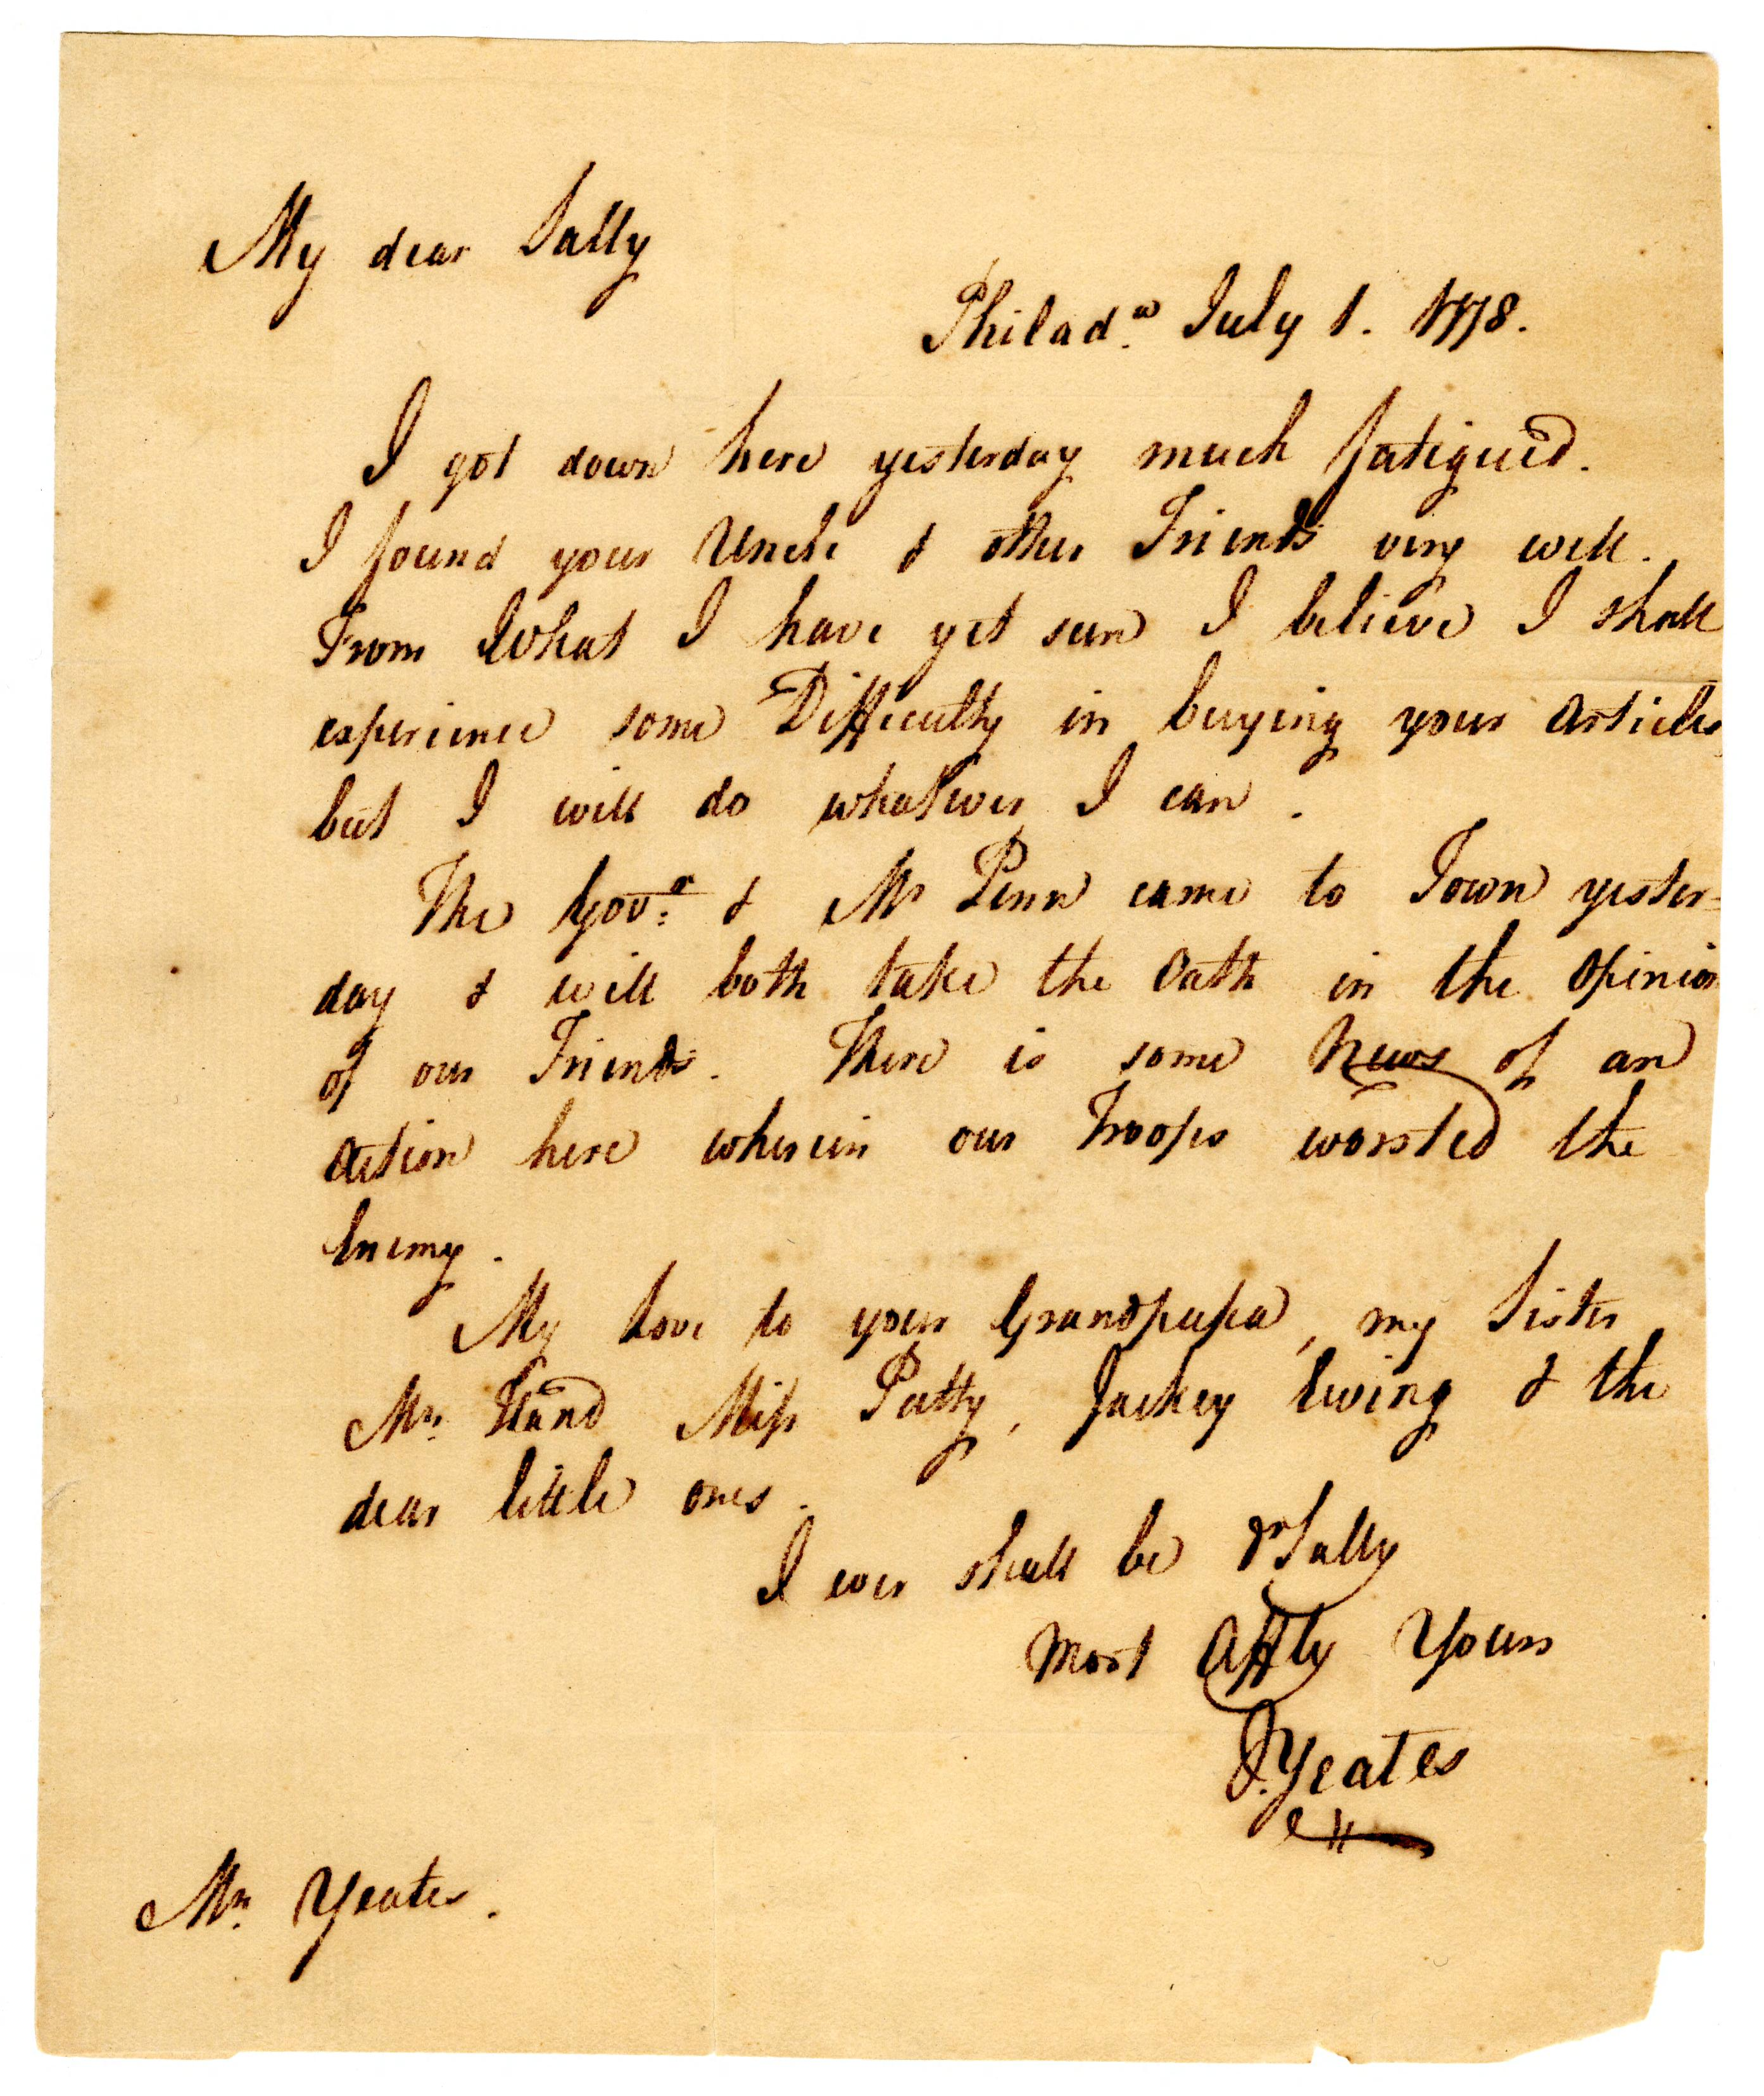Philad^a. July 1. 1778.
My dear Sally
I got down here yesterday much fatigued.
I found your Uncle & other Friends very well.
From what I have yet seen I believe I shall
experience some Difficulty in buying your Articles
but I will do whatever I can
The Gov^r & M^r Penn came to Town yester-
-day & will both take the Oath in the Opinion
of our Friends. There is some News of an
action here wherein our Troops worsted the
Enemy.
My Love to your Grandpapa my Sister
M^r Hand Miss Patty, Jacky Ewing & the
dear little ones.
I ever shall be d^r Sally
Most Affly Yours
J. Yeates
M^r. Yeates